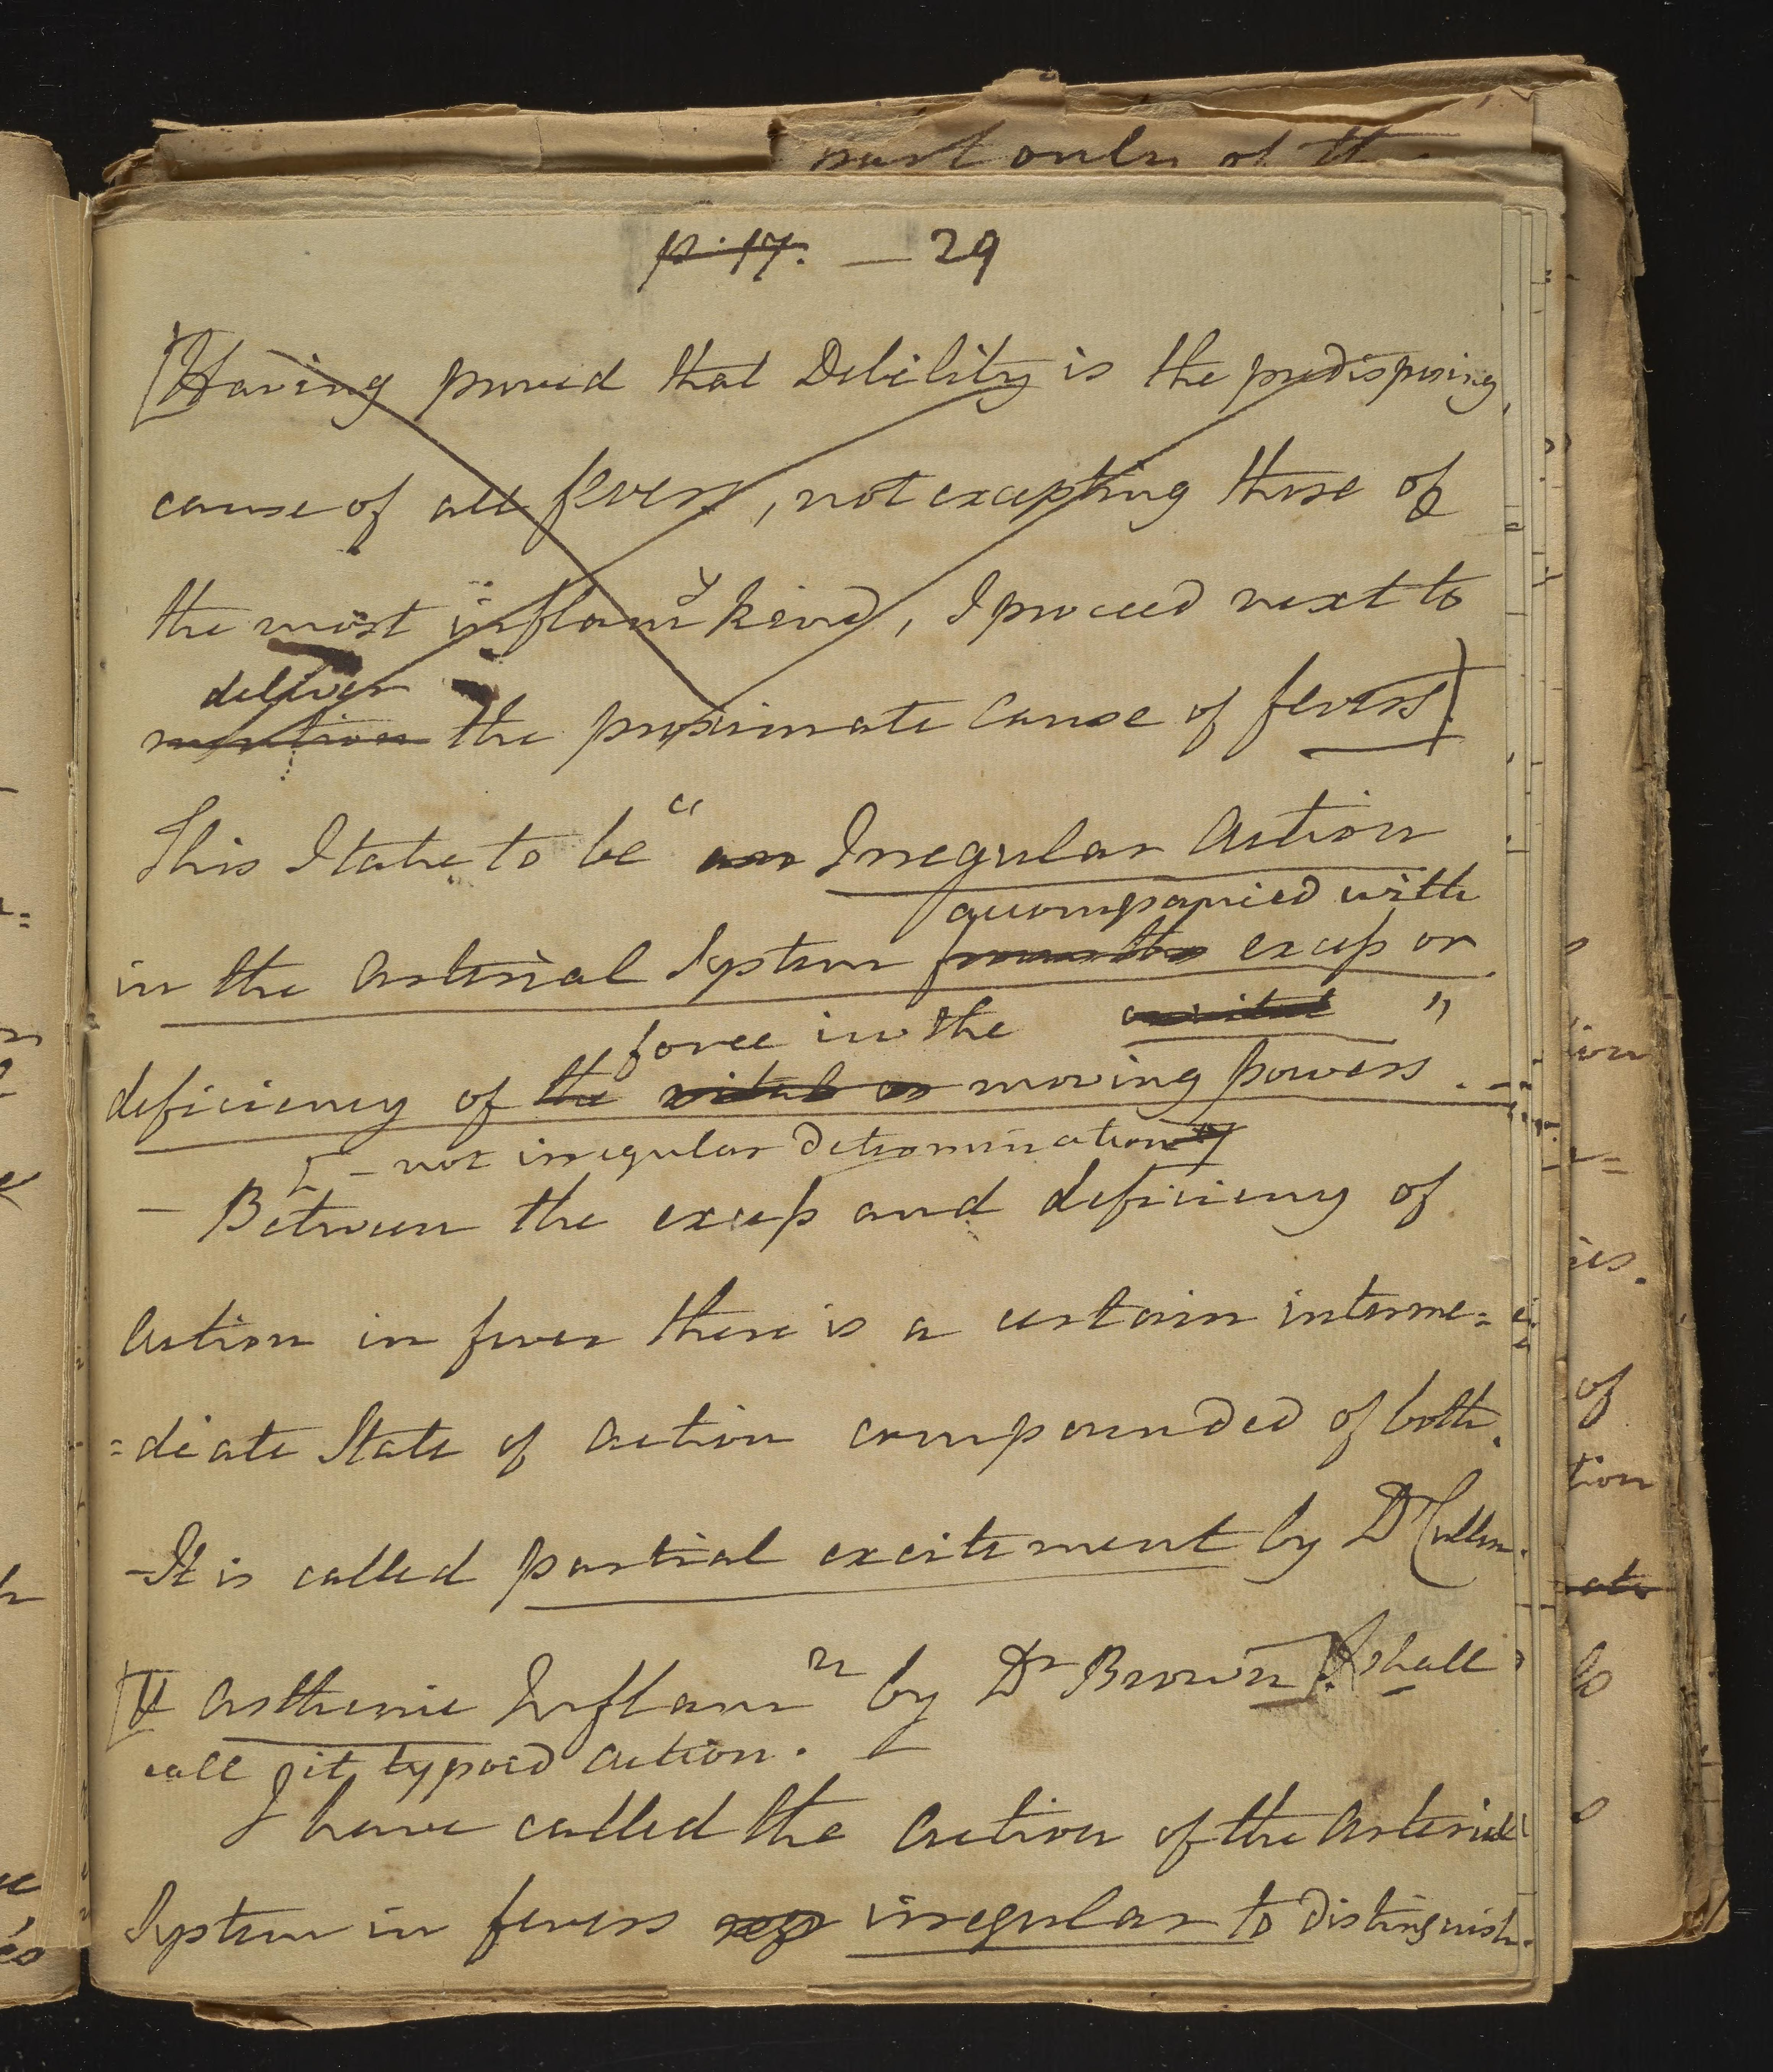29
Having proved that Debility is the predisposing
cause of all fevers, not excepting those of
the most inflam^y kind, I proceed next to
deliver
[mention] the proximate cause of fevers.)
This state to be "[__] Irregular Action
accompanied with
in the arterial system [_________] excess or
force in the
deficiency of the [_____] moving powers.
(- not irregular determination)
Between the excess and deficiency of
Action in fever there is a certain interme-
-diate state of action compounded of both.
It is called partial excitement by D^r Cullen
II Asthenic System by D^r Brown I shall
call it by said action
I have called the action of the aterial
system in fevers [reg] irregular to distinguish